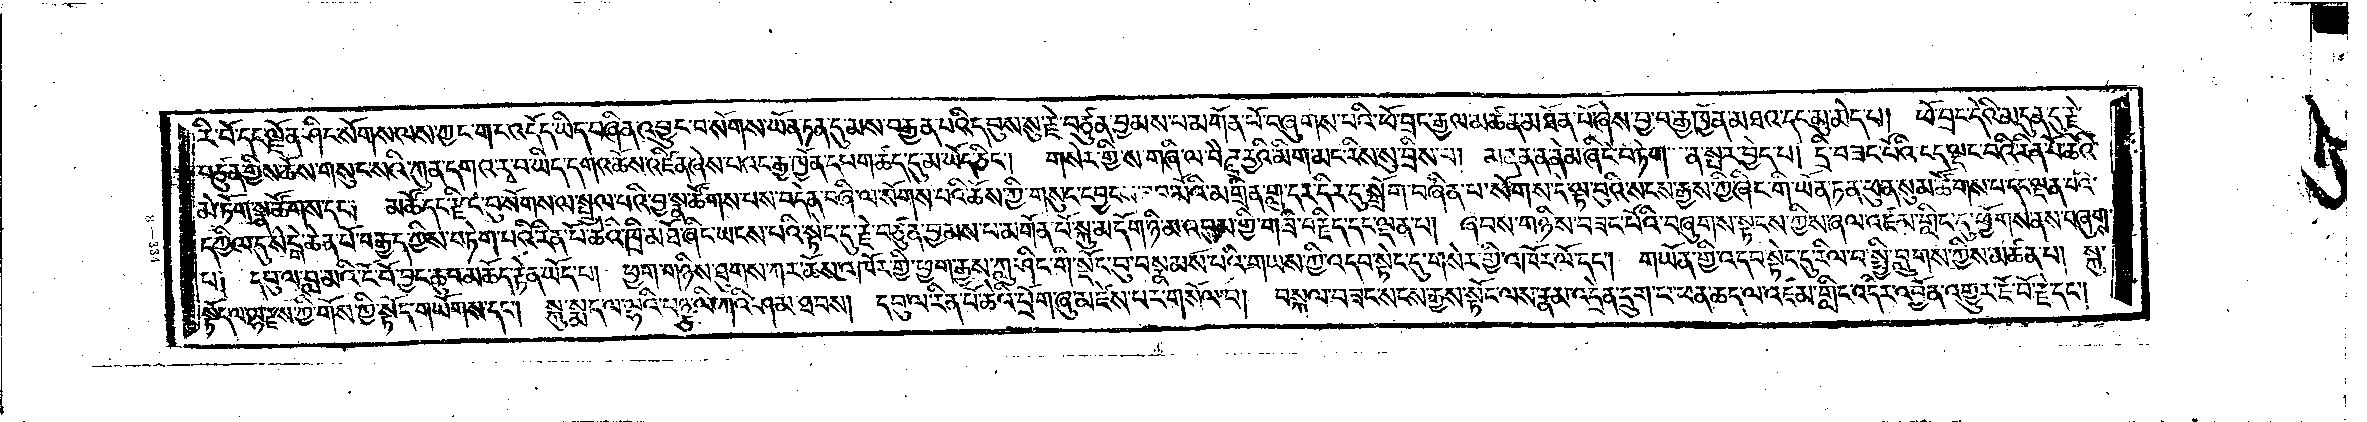རི་བོ་དང་ལྗོན་ཤིང་སོགས་ལས་ཀྱང་གང་འདོད་ཡིད་བཞིན་འབྱུང་བ་སོགས་ཡོན་ཏན་དུ་མས་བརྒྱན་པའི་དབུས་སུ་རྗེ་བཙུན་བྱམས་པ་མགོན་པོ་བཞུགས་པའི་ཕོ་བྲང་རྒྱལ་མཚན་མཐོན་པོ་ཞེས་བྱེ་བ་རྒྱ་ཁྱོན་མཐའ་དང་མུ་མེད་པ། ཕོ་བྲང་དེའི་མདུན་དུ་རྗེ་
བཙུན་གྱིས་ཆོས་གསུང་སའི་ཀུན་དགའ་རྭ་བ་ཡིད་དགའ་ཆོས་འཛིན་ཞེས་པའང་རྒྱ་ཁྱོན་དཔག་ཚད་དུ་མ་ཡོད་ཅིང་། གསེར་གྱི་ས་གཞི་ལ་བཻཌཱུརྱའི་མིག་མང་རིས་སུ་བྲིས་པ། མནན་ན་ནེམ་ཞིང་བཏེག་ན་སྤར་བྱེད་པ། དྲི་བཟང་པོའི་དང་ལྡང་བའི་རིན་པོ་ཆེའི་
མེ་ཏོག་སྣ་ཚོགས་དང་། མཚོ་དང་རྫིང་བུ་སོགས་ལ་སྤྲུལ་པའི་བྱ་སྣ་ཚོགས་པས་བདེན་བཞི་ལ་སོགས་པའི་ཆོས་ཀྱི་གསུང་དབྱངས་ཟབ་མོའི་མགྲིན་གླུ་དར་དིར་དུ་སྒྲོག་བཞིན་པ་སོགས་དེ་ལྟ་བུའི་སངས་རྒྱས་ཀྱི་ཞིང་གི་ཡོན་ཏན་ཕུན་སུམ་ཚོགས་པ་དང་ལྡན་པའི་
དཀྱིལ་དུ་སེངྒེ་ཆེན་པོ་བརྒྱད་ཀྱིས་བཏེག་པའི་རིན་པོ་ཆེའི་ཁྲི་མཐོ་ཞིང་ཡངས་པའི་སྟེང་དུ་རྗེ་བཙུན་བྱམས་པ་མགོན་པོ་སྐུ་མདོག་ཉི་མ་འབུམ་གྱི་གཟི་བརྗིད་དང་ལྡན་པ། ཞབས་གཉིས་བཟང་པོའི་བཞུགས་སྟངས་ཀྱིས་ཞལ་འཛམ་གླིང་དུ་ཕྱོགས་ནས་བཞུགས་
པ༑ དབུ་ལ་བླ་མའི་ངོ་བོ་བྱང་ཆུབ་མཆོད་རྟེན་ཡོད་པ། ཕྱག་གཉིས་ཐུགས་ཀར་ཆོས་འཁོར་གྱི་ཕྱག་རྒྱས་ཀླུ་ཤིང་གི་སྡོང་བུ་བསྣམས་པའི་གཡས་ཀྱི་འདབ་སྟེང་དུ་གསེར་གྱི་འཁོར་ལོ་དང་། གཡོན་གྱི་འདབ་སྟེང་དུ་རིལ་བ་སྤྱི་བླུགས་ཀྱིས་མཚན་པ། སྐུ་
སྟོད་ལ་ལྷ་རྫས་ཀྱི་གོས་ཀྱི་སྟོད་གཡོགས་དང་། སྐུ་སྨད་ལ་ལྷའི་པཉྩ་ལི་ཀའི་ཤམ་ཐབས། དབུ་ལ་རིན་པོ་ཆེའི་པྲོག་ཞུ་མཛེས་པར་གསོལ་བ། བསྐལ་བཟང་སངས་རྒྱས་སྟོང་ལས་རྣམ་འདྲེན་དྲུག་པ་ཕན་ཆད་ལ་འཛམ་གླིང་འདིར་འབྱོན་འགྱུར་ཇོ་བོ་རྗེ་དང་།